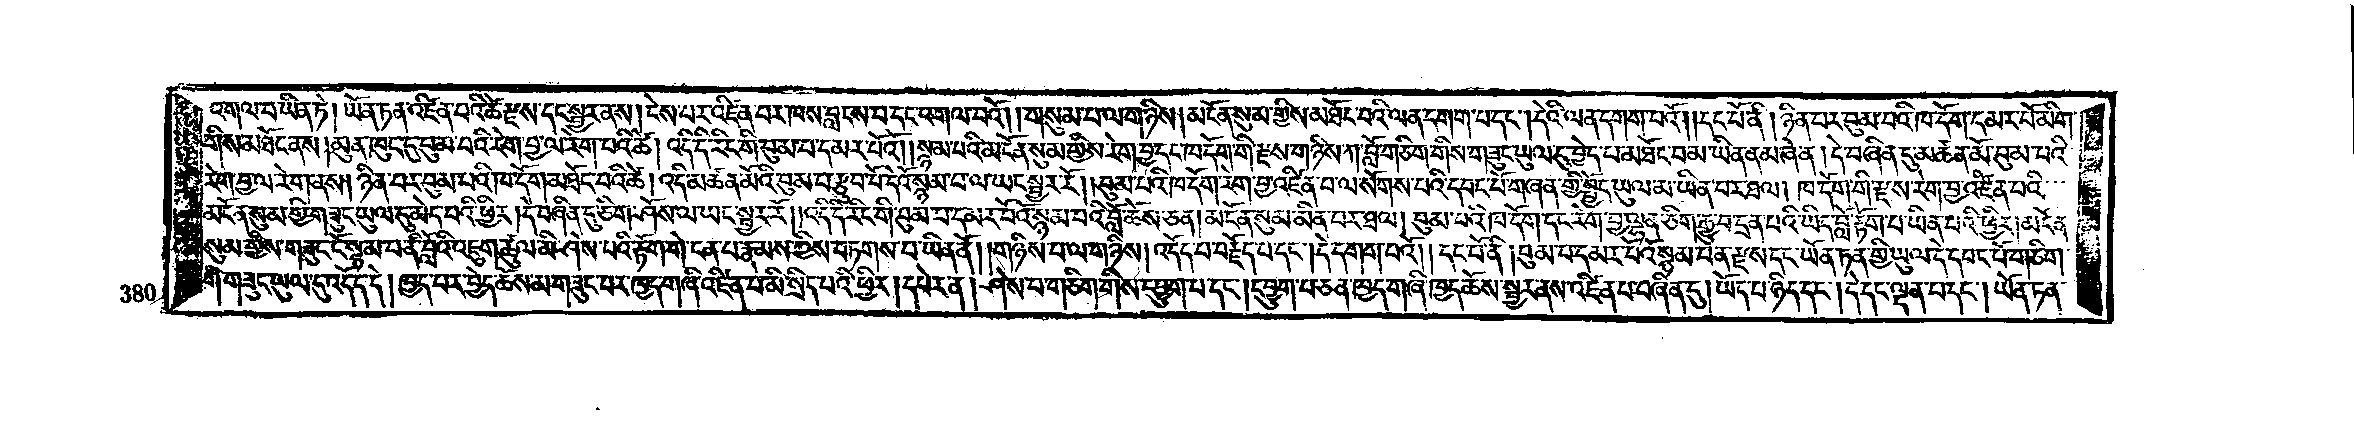འགའ་བ་ཡིན་ཏེ། ཡོན་ཏན་འཛིན་པའི་ཚེ་རྫས་དང་སྦྱར་ནས། ངེས་པར་འཛིན་པར་ཁས་བླངས་པ་དང་འགལ་བའོ། །གསུམ་པ་ལ་གཉིས། མངོན་སུམ་གྱིས་མཐོང་བའི་ལན་དགག་པ་དང་། དེའི་ཡན་དགག་པའོ། །དང་པོ་ནི། ཉིན་པར་བུམ་པའི་ཁ་དོག་དམར་པོ་མིག་
གིས་མཐོང་ནས། མུན་ཁུང་དུ་བུམ་པའི་རེག་བྱ་ལ་རེག་པའི་ཚེ། འདི་དི་རིང་གི་བུམ་པ་དམར་པོའོ། །སྙམ་པའི་མངོན་སུམ་གྱིས་རེག་བྱ་དང་ཁ་དོག་གི་རྫས་གཉིས་ཀ་བློ་གཅིག་གིས་གཟུང་ཡུལ་དུ་བྱེད་པ་མཐོང་བ་མ་ཡིན་ནམ་ཞེ་ན། དེ་བཞིན་དུ་མཚན་མོ་བུམ་པའི་
རེག་བྱ་ལ་རེག་ནས། ཉིན་པར་བུམ་པའི་ཁ་དོག་མཐོང་བའི་ཚེ། འདི་ཚན་མོའི་བུམ་པ་རྩུབ་པོ་དེའོ་སྙམ་པ་ལ་ཡང་སྦྱར་རོ། །བུ་པའི་ཁ་དོག་རེག་བྱ་འཛིན་པ་ལ་སོགས་པའི་དབང་པོ་གཞན་གྱི་སྤྱོད་ཡུལ་མ་ཡིན་པར་ཐལ། ཁ་དོག་གི་རྫས་རེག་བྱ་འཛིན་པའི་
མངོན་སུམ་གྱི་གཟུང་ཡུལ་དུ་མེད་པའི་ཕྱིར། དེ་བཞིན་དུ་ཅིག་ཤོས་ལ་ཡང་སྦྱར་རོ། །འདི་དི་རིང་གི་བུམ་པ་དམར་པོའོ་སྙམ་པའི་བློ་ཆོས་ཅན། མངོན་སུམ་མིན་པར་ཐལ། བུམ་པའི་ཁ་དོག་དང་རེག་བྱ་ལྷན་ཅིག་རྒྱུ་བ་དྲན་པའི་ཡིད་བློ་རྟོག་པ་ཡིན་པའི་ཕྱིར། མངོན་
སུམ་གྱིས་གཟུང་ངོ་སྙམ་པ་ནི་བློའི་འཇུག་ཚུལ་མི་ཤེས་པའི་རྟོག་གེ་ངན་པ་རྣམས་ཀྱིས་བཏགས་པ་ཡིན་ནོ། །གཉིས་པ་ལ་གཉིས། འདོད་པ་བརྗོད་པ་དང་། དེ་དགག་པའོ། །དང་པོ་ནི། བུམ་པ་དམར་པོའོ་སྙམ་པ་ན་རྫས་དང་ཡོན་ཏན་གྱི་ཡུལ་དེ་དབང་པོ་གཅིག་
གི་གཟུང་ཡུལ་དུ་འདོད་དེ། ཁྱད་པར་བྱེད་ཆོས་མ་གཟུང་བར་ཁྱད་གཞི་འཛིན་པ་མི་སྲིད་པའི་ཕྱིར། དཔེར་ན། ཤེས་པ་གཅིག་གིས་དབྱུག་པ་དང་། དབྱུག་པ་ཅན་ཁྱད་གཞི་ཁྱད་ཆོས་སྦྱར་ནས་འཛིན་པ་བཞིན་དུ། ཡོད་པ་ཉིད་དང་། དེ་དང་ལྡན་པ་དང་། ཡོན་ཏན་